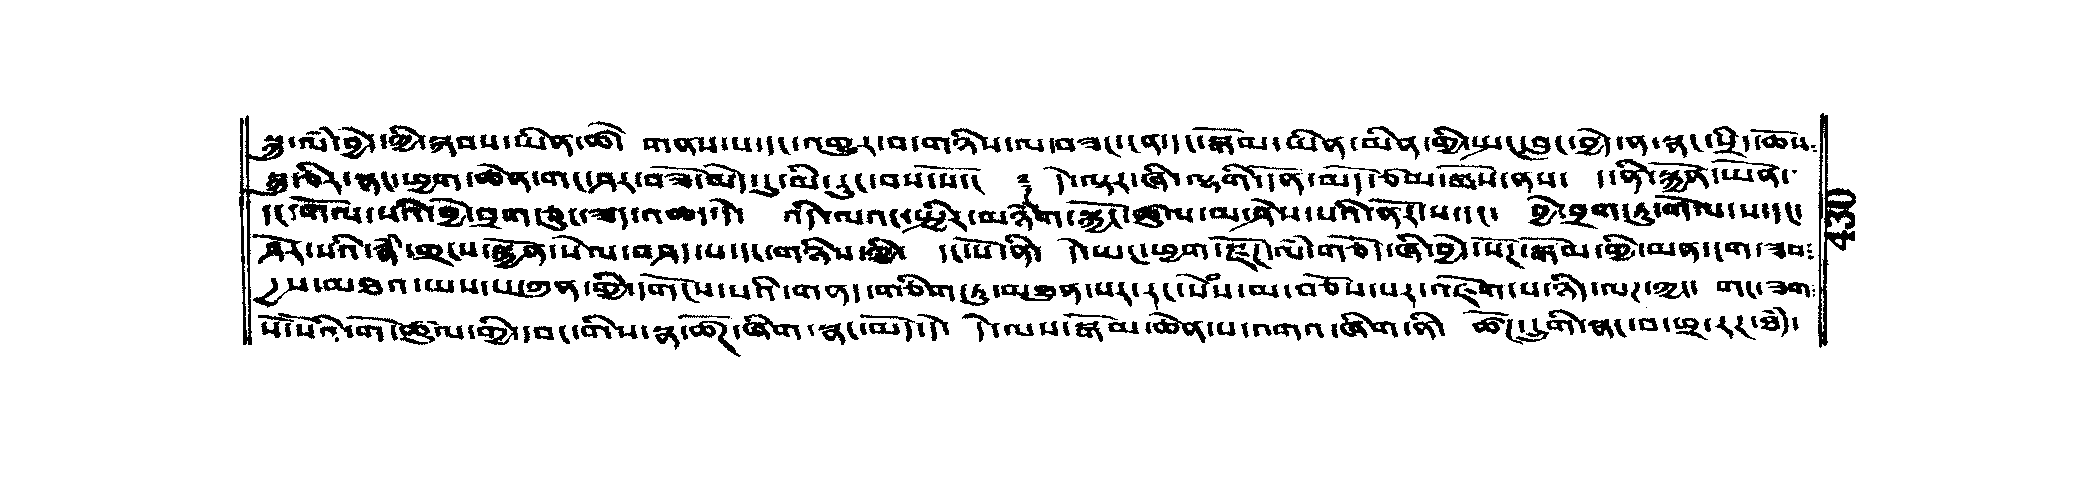སྐུ་ལམ་བྱེད་གྱི་སྐབས་ཡིན་ཚེ། གནས་པ་དང་འགྱུ་བ་གཉིས་ལ་བཟང་ངན་དང་སྒོམ་ཡིན་མིན་གྱི་སྤང་བླང་བྱེད་ན་སྣང་སྲིད་ཆོས་
སྐུ། ཅིར་སྣང་ཕྱག་ཆེན། གང་ཤར་བཟོ་མེད་དུ་མི་རུང་བས་སོ། དེ་ལྟར་ཞི་ལྷག་གི་དོན་མདོ་ཙམ་སྨོས་ནས། ད་ནི་སྐྱོན་ཡོན་
དང་གོལ་སའི་བྱེ་བྲག་ཅུང་ཟད་འཆད་དེ། འདི་ལའང་སྤྱིར་མཉམ་བཞག་སྐྱོང་ཚུལ་མ་ཤེས་པའི་ནོར་ས་དང་། བྱེ་བྲག་ཏུ་གོལ་ས་དང་
ཤོར་སའི་རྣམ་གྲངས་སྐྱོན་སེལ་བཤད་པ་དང་གཉིས་ཀྱི།དང་པོ་ནི། དེ་ཡང་ཕྱག་རྫོགས་ལམ་གཅོད་ཞི་བྱེད་སོགས་སྒོམ་གྱི་མན་ངག་ཟབ་
རྒྱས་མཐའ་ཡས་པ་ཀུན་གྱི་དགོངས་པའི་གནད་གཅིག་ཏུ་མཐུན་པར་རང་སེམས་མ་བཅོས་པར་འཇོག་པ་ཉིད་ལགས་ཀྱང་། གང་ཟག་
སོ་སོའི་གོ་ཚུལ་གྱི་དབང་གིས་སྣ་ཚོགས་ཞིག་སྣང་མོད་དེ། དེ་ལས་སྒོམ་ཆེན་པ་འགའ་ཞིག་ནི། ཚོགས་དྲུག་གི་སྣང་བ་ཕྲ་རགས་ཐམས་ཅད་